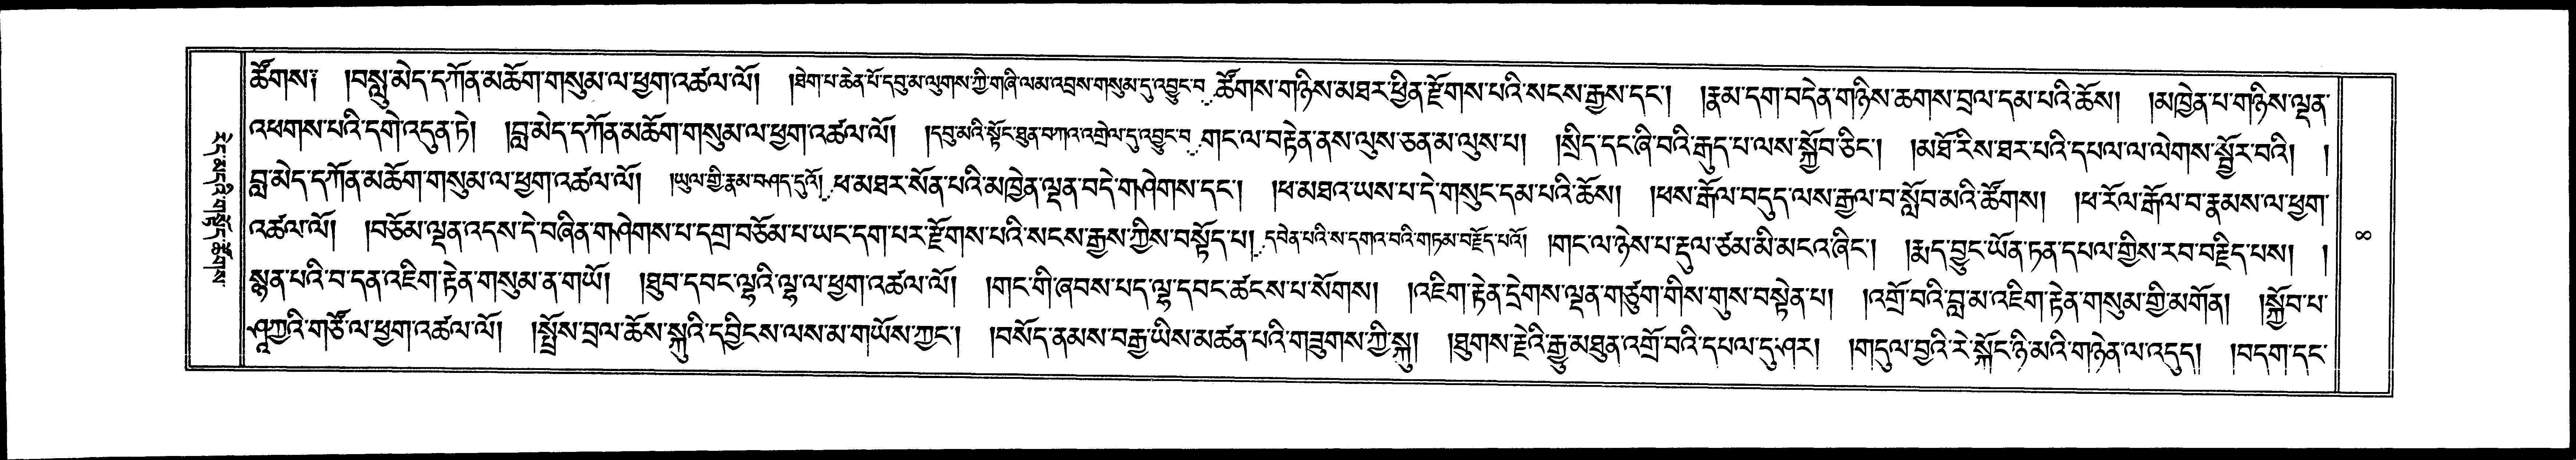ཚོགས། །བསླུ་མེད་དཀོན་མཆོག་གསུམ་ལ་ཕྱག་འཚལ་ལོ། །ཐེག་པ་ཆེན་པོ་དབུ་མ་ལུགས་ཀྱི་གཞི་ལམ་འབྲས་གསུམ་དུ་འབྱུང་བ་ཚོགས་གཉིས་མཐར་ཕྱིན་རྫོགས་པའི་སངས་རྒྱས་དང་། །རྣམ་དག་བདེན་གཉིས་ཆགས་བྲལ་དམ་པའི་ཆོས། །མཁྱེན་པ་གཉིས་ལྡན་
འཕགས་པའི་དགེ་འདུན་ཏེ། །བླ་མེད་དཀོན་མཆོག་གསུམ་ལ་ཕྱག་འཚལ་ལོ། །དབུ་མའི་སྟོང་ཐུན་བཀའ་འགྲེལ་དུ་འབྱུང་བ་གང་ལ་བརྟེན་ནས་ལུས་ཅན་མ་ལུས་པ། །སྲིད་དང་ཞི་བའི་རྒུད་པ་ལས་སྐྱོབ་ཅིང་། །མཐོ་རིས་ཐར་པའི་དཔལ་ལ་ལེགས་སྦྱོར་བའི། །
བླ་མེད་དཀོན་མཆོག་གསུམ་ལ་ཕྱག་འཚལ་ལོ། །ཡུལ་གྱི་རྣམ་བཤད་དུའོ། །ཕ་མཐར་སོན་པའི་མཁྱེན་ལྡན་བདེ་གཤེགས་དང་། །ཕ་མཐའ་ཡས་པ་དེ་གསུང་དམ་པའི་ཆོས། །ཕས་རྒོལ་བདུད་ལས་རྒྱལ་བ་སློབ་མའི་ཚོགས། །ཕ་རོལ་རྒོལ་བ་རྣམས་ལ་ཕྱག་
འཚལ་ལོ། །བཅོམ་ལྡན་འདས་དེ་བཞིན་གཤེགས་པ་དགྲ་བཅོམ་པ་ཡང་དག་པར་རྫོགས་པའི་སངས་རྒྱས་ཀྱིས་བསྟོད་པ། དབེན་པའི་ས་དགའ་བའི་གཏམ་བརྗོད་པའོ། །གང་ལ་ཉེས་པ་རྡུལ་ཙམ་མི་མངའ་ཞིང་། །རྨད་བྱུང་ཡོན་ཏན་དཔལ་གྱིས་རབ་བརྗིད་པས། །
སྙན་པའི་བ་དན་འཇིག་རྟེན་གསུམ་ན་གཡོ། །ཐུབ་དབང་ལྷའི་ལྷ་ལ་ཕྱག་འཚལ་ལོ། །གང་གི་ཞབས་པད་ལྷ་དབང་ཚངས་པ་སོགས། །འཇིག་རྟེན་དྲེགས་ལྡན་གཙུག་གིས་གུས་བསྟེན་པ། །འགྲོ་བའི་བླ་མ་འཇིག་རྟེན་གསུམ་གྱི་མགོན། །སྐྱོབ་པ་
ཤཱཀྱའི་གཙོ་ལ་ཕྱག་འཚལ་ལོ། །སྤྲོས་བྲལ་ཆོས་སྐུའི་དབྱིངས་ལས་མ་གཡོས་ཀྱང་། །བསོད་ནམས་བརྒྱ་ཡིས་མཚན་པའི་གཟུགས་ཀྱི་སྐུ། །ཐུགས་རྗེའི་རྒྱུ་མཐུན་འགྲོ་བའི་དཔལ་དུ་ཤར། །གདུལ་བྱའི་རེ་སྐོང་ཉི་མའི་གཉེན་ལ་འདུད། །བདག་དང་